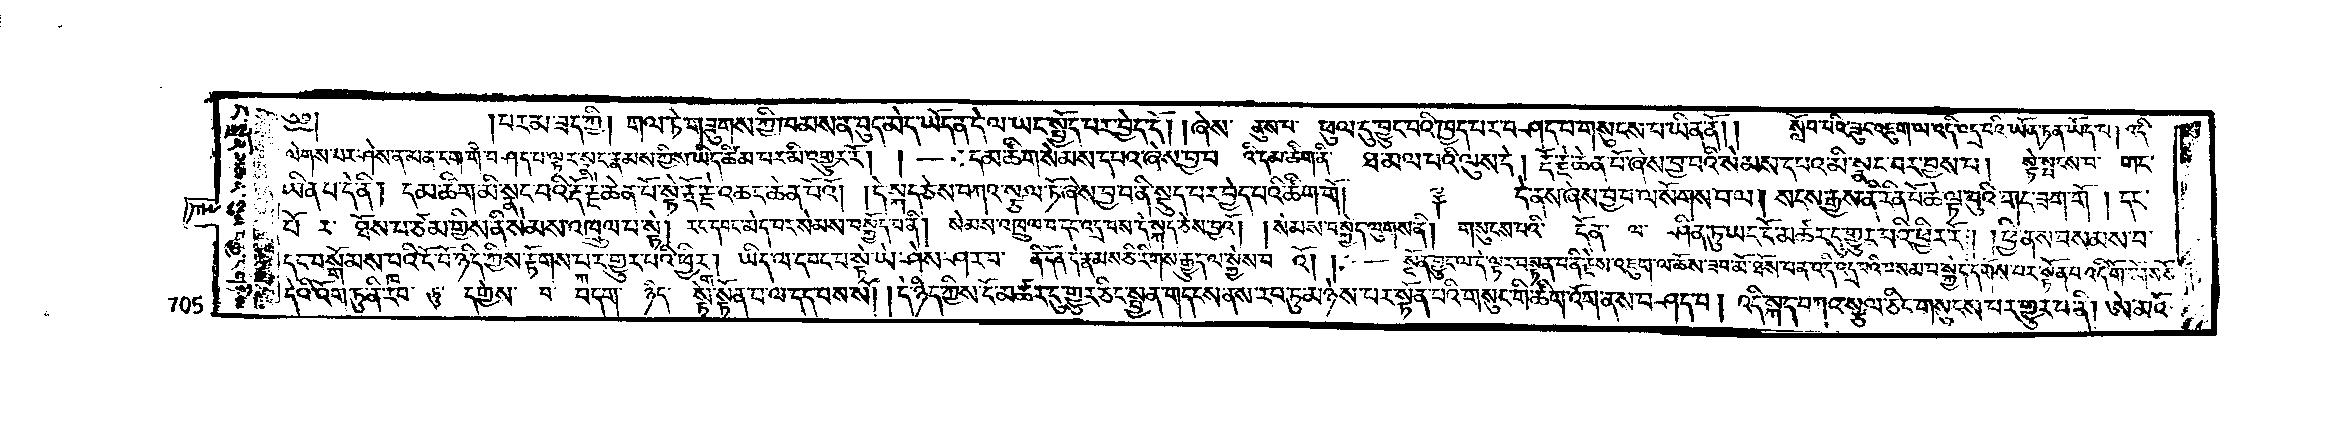༄༅། །པར་མ་ཟད་ཀྱི། གལ་ཏེ་གཟུགས་ཀྱི་ཁམས་ན་བུད་མེད་ཡོད་ན་དེ་ལ་ཡང་སྤྱོད་པར་བྱེད་དོ། །ཞེས་ནུས་པ་ཕུལ་དུ་བྱུང་བའི་ཁྱད་པར་བཤད་པ་གསུངས་པ་ཡིན་ནོ། །སློབ་པའི་ཟུང་འཇུག་ལ་འདི་འདྲ་བའི་ཡོན་ཏན་ཡོད་པ། འདི་
ལེགས་པར་ཤེས་ན་མན་ངག་གི་བཤད་པ་ལྟར་སྣང་རྣམས་ཀྱིས་ཡིད་ཚིམ་པར་མི་འགྱུར་རོ། །.Hདམ་ཚིག་སེམས་དཔའ་ཞེས་བྱ་བའི་དམ་ཚིག་ནི་ཐ་མལ་པའི་ལུས་དེ། རྡོ་རྗེ་ཆེན་པོ་ཞེས་བྱ་བའི་སེམས་དཔའ་མི་སྣང་བར་བྱས་པ། སྟེ་སྤངས་པ་གང་
ཡིན་པ་དེ་ནི། དམ་ཚིག་མི་སྣང་བའི་རྡོ་རྗེ་ཆེན་པོ་སྟེ་རྡོ་རྗེ་འཆང་ཆེན་པོའོ། །དེ་སྐད་ཅེས་བཀའ་སྩལ་ཏོ་ཞེས་བྱ་བ་ནི་སྡུད་པར་བྱེད་པའི་ཚིག་གོ། ༈ དེ་ནས་ཞེས་བྱ་བ་ལ་སོགས་པ་ལ། སངས་རྒྱས་ནི་རིན་པོ་ཆེ་ལྟ་བུའི་གང་ཟག་གོ །དང་
པོར་ཐོས་པ་ཙམ་གྱིས་ནི་སེམས་འཁྲུལ་པ་སྟེ། རང་དབང་མེད་པར་སེམས་བསྐྱོད་པ་ནི། སེམས་འཁྲུལ་པ་དང་འདྲ་བས་དེ་སྐད་ཅེས་བྱ་བའོ། །སེམས་བསྐྱེད་ལུགས་ནི། གསུངས་པའི་དོན་ལ་ཤིན་ཏུ་ཡང་ངོ་མཚར་དུ་གྱུར་པའི་ཕྱིར་རོ། །ཕྱི་ནས་བསམས་པ་
དང་བསྒོམས་པའི་ངོ་བོ་ཉིད་ཀྱིས་རྟོགས་པར་གྱུར་པའི་ཕྱིར། ཡིད་ལ་དབང་བ་སྟེ་ཡེ་ཤེས་ཤར་བ་ནི་དོན་དེ་རྣམས་ཅི་རིགས་རྒྱུད་ལ་སྐྱེས་པའོ། ། H.སྔོན་བྱུང་ལ་དེ་ལྟར་བསྟན་པ་ནི་རྗེས་འཇུག་ལ་ཆོས་ཟབ་མོ་ཐོས་པ་ན་འདི་འདྲ་བའི་བསམ་བསྐྱེད་དགོས་པར་སྟོན་པ་འདི་གོ་དགོས་སོ་
དེའི་འོག་ཏུ་ནི་ཁ་རབ་ཏུ་དགྱེས་པ་ཀ་བདག་ཉིད་སྟེ་ཀ་སྟོན་པ་ལ་དད་པས་སོ། །དེ་ཉིད་ཀྱིས་ངོ་མཚར་དུ་གྱུར་ཅིང་སྤྱན་གདངས་ནས་རབ་ཏུ་མཉེས་པར་སྟོན་པའི་གསུང་གི་ཚིག་འོག་ནས་བཤད་པ། འདི་སྐད་བཀའ་སྩལ་ཅིང་གསུངས་པར་གྱུར་པ་ནི། ཨེ་མའོ་